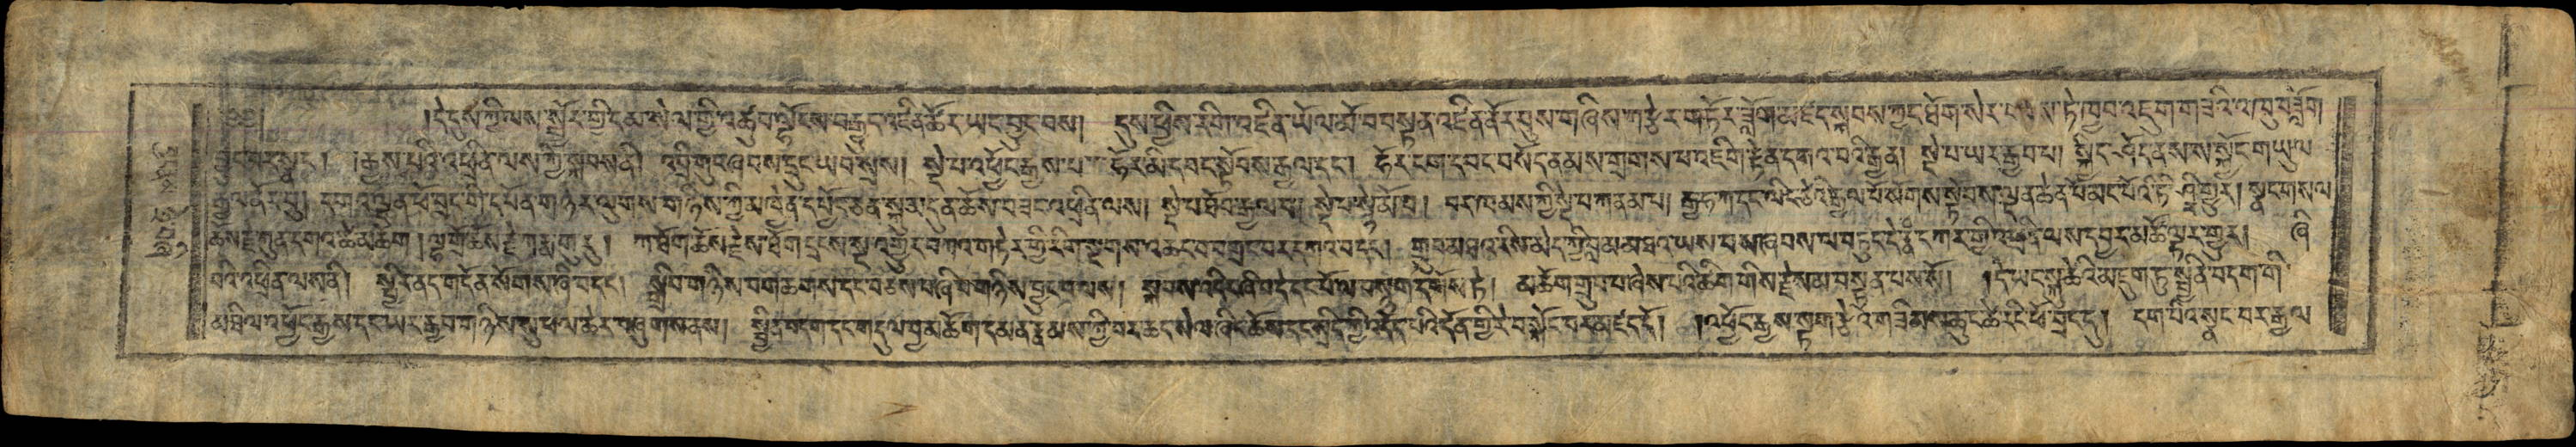༄༅། །དེ་དུས་ཀྱི་ལས་སྦྱོར་གྱི་དམ་སེལ་གྱི་འཚུབ་ལྷོངས་བརྒྱུད་འཛིན་ཚོར་ཡང་བྱུང་བས། དུས་ཕྱིས་རིག་འཛིན་ཡོལ་མོ་བ་བསྟན་འཛིན་ནོར་བུས་གཞིས་གྲྩེར་གཏོར་ཟློག་མཛད་སྐབས་ཀྱང་ཐོག་སེར་བབས་ཏེ་ཁྱབ་འཇུག་གཟའི་འཁུ་བཟློག་
བྱུང་བར་སྣང་། །རྒྱས་པའི་འཕྲིན་ལས་ཀྱི་སྐབས་ནི། འབྲི་གུང་ཞབས་དྲུང་ཡབ་སྲས། སྡེ་བ་འཕྱོང་རྒྱས་པ་ཧོར་མི་དབང་སྟོབས་རྒྱལ་དང་། ཧོར་ངག་དབང་བསོད་ནམས་གྲགས་པ་འཇིག་རྟེན་དགའ་བའི་རྒྱན་སྡེ་བ་ཡར་རྒྱབ་པ། སྐྱིད་ཤེད་ནས་ས་སྐྱོང་གཡུལ་
རྒྱལ་ནོར་བུ། དགའ་ལྡན་ཕོ་བྲང་གི་དཔོན་གཉེར་ལུགས་གཉིས་ཀྱི་མཁྱེན་དཔྱོད་ཅན་སྐུ་མདུན་ཆོས་བཟང་འཕྲིན་ལས། སྡེ་པ་ཐོབ་རྒྱལ་བ། སྡེ་པ་སྙེ་མོ་བ། བར་ཁམས་ཀྱི་སྡེ་པ་ཀ་ནམ་པ་རྒྱ་ཧ་ཀ་ངང་ལིང་ཙེའི་རྒྱལ་པོ་སོགས་སྟོབས་ལྡན་ཆེན་པོ་མང་པོའི་ཏི་ཤིར་གྱུར། སྣང་གསལ་
ཆོས་རྗེ་ཀུན་དགའ་ཚེ་མཆོག །ལྷ་གྲོ་ཆོས་རྗེ་ཀརྨ་གུ་རུ། ཀ་ཐོག་ཆོས་རྗེས་ཐོག་དྲངས་སྔ་འགྱུར་བཀའ་གཏེར་གྱི་རིག་སྔགས་འཆང་བ་བགྲང་བར་དཀའ་བ་དང་། གྲུབ་མཐའ་རིས་མེད་ཀྱི་བླ་མ་མཐའ་ཡས་པས་ཞབས་ལ་བཏུད་དེཿ དཀར་གྱི་འཕྲིན་ལས་དབྱར་མཚོ་ལྟར་གྱུར། ཞི་
བའི་འཕྲིན་ལས་ནི། སྦྱིར་ནད་གདོན་སོགས་ཞི་བ་དང་། སྒྲིབ་གཉིས་བག་ཆགས་དང་བཅས་བཞི་བ་གཉིས་བྱུང་བ་ལས། སྐབས་འདིར་ཞི་བ་དེ་དང་པོ་ལ་བསྙག་དགོས་ཏེ། མཆོག་གྲུབ་པ་ཞེས་པའི་ཚིག་གིས་རྗེས་མ་བསྟན་པས་སོ། །དེ་ཡང་སྐུ་ཚེའི་མཇུག་ཏུ་སྦྲིན་བདག་གི་
མཐིལ་འཕྱོང་རྒྱས་དང་ཡར་རྒྱབ་གཉིས་སུ་ཕལ་ཆེར་བཞུགས་ནས། སྦྱིན་བདག་དང་གདུལ་བྱ་མཆོག་དམན་རྣམས་ཀྱི་བར་ཆད་སེལ་ཞིང་ཆོས་དང་སྲིད་ཀྱི་འདོད་པའི་དོན་གྱི་རེ་བ་སྐོང་བར་མཛད་དོ། །འཕྱོང་རྒྱས་སྟག་རྩེའི་གཟིམས་ཆུང་ཚེ་རིང་ཕོ་བྲང་དུ། དག་པའི་སྣང་བར་རྒྱལ་